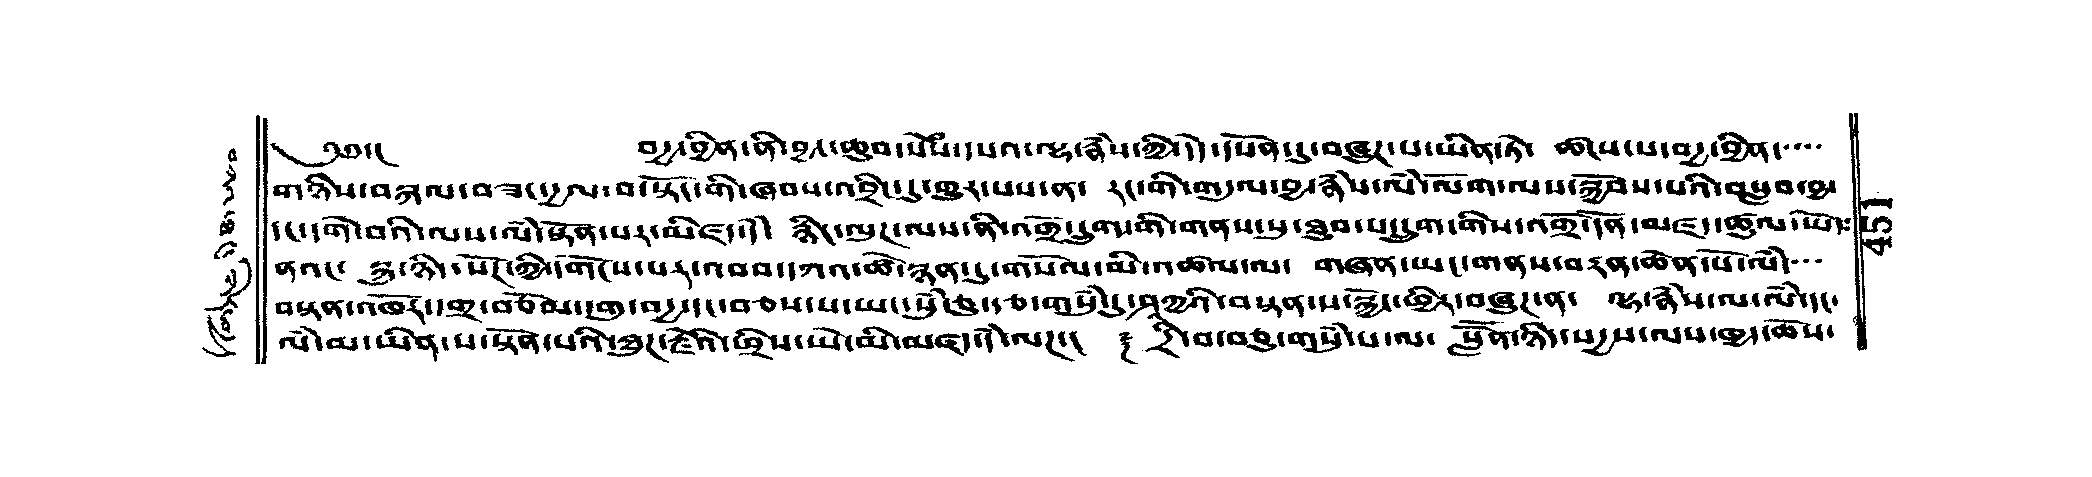བརྒྱ་བྱིན་ནི་བྱང་ཆུབ་སེམས་དཔའ་ལྷ་རྣམས་ཀྱི་དེད་དཔོན་དུ་བཞུགས་པ་ཡིན་ཏེ། ཚངས་པ་བརྒྱ་བྱིན་
གཉིས་བསྐལ་བཟང་རྒྱལ་བ་སྟོང་གི་ཞབས་འབྲིང་དུ་གྱུར་པས་ན། རང་གི་གདུལ་བྱ་རྣམས་ལམ་ལོག་ལས་སྐྱོབ་པའི་བསླབ་བྱ་
དང་དགེ་བའི་ལས་ལམ་སྟོན་པར་མི་མཛད་དམ། རྙིང་ལུགས་ལས་ནི་འགྲོ་དྲུག་གི་གནས་སུ་ཐུབ་པ་དྲུག་གིས་འགྲོ་དོན་མཛད་ཚུལ་ཡོད་
ནའང་། སྐུ་ཉིད་སོགས་ཀྱི་དགོངས་པར་འབབ་དཀའ་ཚེ་སྙན་དུ་གསོལ་མི་འཚལ་ལ། གཞན་ཡང་གནས་བརྟན་ཆེན་པོ་ལམ་
བསྟན་འཁོར་དགྲ་བཅོམ་དགུ་བརྒྱ་དང་བཅས་པ་ཡང་སུམ་ཅུ་རྩ་གསུམ་དུ་ཤཱཀྱའི་བསྟན་པ་སྐྱོང་ཕྱིར་བཞུགས་ན། ལྷ་རྣམས་ལ་ལམ་དང་
ལམ་མ་ཡིན་པ་སྟོན་པའི་ཐུགས་རྗེའི་ཕྲིན་ལས་ཡེ་མི་མཛད་དམ་ལགས། ༈ དྲི་བ་བཅུ་གསུམ་པ་ལ། སློབ་དཔོན་ཉིད་སངས་རྒྱས་ལས་ཁྱད་ཆོས་